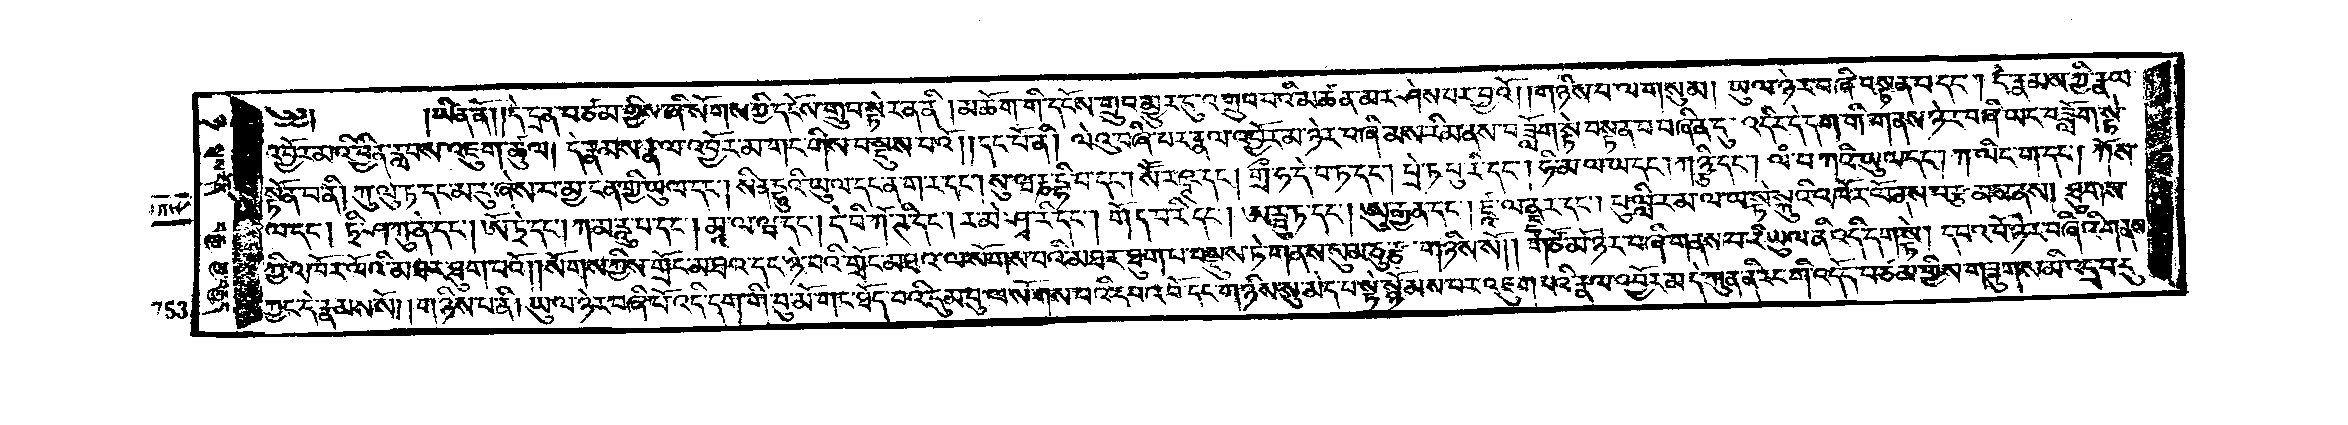༄༅། །ཡིན་ནོ། །དེ་དྲན་པ་ཙམ་གྱིས་ཞི་སོགས་ཀྱི་དངོས་གྲུབ་སྟེར་ན་ནི། མཆོག་གི་དངོས་གྲུབ་མྱུར་དུ་འགྲུབ་པའི་མཚན་མར་ཤེས་པར་བྱའོ། །གཉིས་པ་ལ་གསུམ། ཡུལ་ཉེར་བཞི་བསྟན་པ་དང་། དེ་རྣམས་ཀྱི་རྣལ་
འབྱོར་མའི་བྱིན་རླབས་འཇུག་ཚུལ། དེ་རྣམས་རྣལ་འབྱོར་མ་གང་གིས་བསྡུས་པའོ། །དང་པོ་ནི། ལེའུ་བཞི་པར་རྣལ་འབྱོར་མ་ཉེར་བཞི་མས་རིམ་ནས་བཟློག་སྟེ་བསྟན་པ་བཞིན་དུ། འདིར་དེ་དག་གི་གནས་ཉེར་བཞི་ཡང་བཟློག་སྟེ་
སྟོན་པ་ནི། ཀུ་ལུ་ཏ་དང་མ་རུ་ཞེས་པ་མྱ་ངན་གྱི་ཡུལ་དང་། སིན་དྷུའི་ཡུལ་དང་ན་ག་ར་དང་། སུ་ཝརྞ་དྷི་པ་དང་། སཽ་རཥྚ་དང་། གྲྀ་ཧ་དེ་བ་ཏ་དང་། པྲེ་ཏ་པུ་རི་དང་། ཧི་མ་ལ་ཡང་དང་། ཀཉྩི་དང་། ལཾ་པ་ཀའི་ཡུལ་དང་། ཀ་ལིང་ག་དང་། ཀོ་ས་
ལ་དང་། ཏྲི་ཤ་ཀུ་ནེ་དང་། ཨོ་ཏྲེ་དང་། ཀ་མ་རཱུ་པ་དང་། མཱ་ལ་ཝ་དང་། དེ་བི་ཀོ་ཊི་དང་། ར་མེ་ཤྭ་རི་དང་། གོ་ད་བ་རི་དང་། ཨརྦུ་ཏ་དང་། ཨུ་རྒྱན་དང་། ཛཱ་ལནྡྷ་ར་དང་། པུལླི་ར་མ་ལ་ཡ་སྟེ་སྐུའི་འཁོར་ལོ་ནས་བརྩམས་ནས། ཐུགས་
ཀྱི་འཁོར་ལོའི་མཐར་ཐུག་པའོ། །སོགས་ཀྱིས་གྲོང་མཐའ་དང་ཉེ་བའི་གྲོང་མཐའ་ལ་སོགས་པའི་མཐར་ཐུག་པ་བསྡུས་ཏེ་གནས་སུམ་ཅུ་རྩ་གཉིས་སོ། །གཙོ་མོ་ཉེར་བཞི་གནས་པའི་ཡུལ་ནི་འདི་དག་སྟེ། དཔའ་བོ་ཉེར་བཞིའི་གནས་
ཀྱང་དེ་རྣམས་སོ། །གཉིས་པ་ནི། ཡུལ་ཉེར་བཞི་པོ་འདི་དག་གི་བུ་མོ་གང་ཐོད་པའི་དུམ་བུ་ལ་སོགས་པའི་དཔའ་བོ་དང་གཉིས་སུ་མེད་པ་སྟེ་སྙོམས་པར་འཇུག་པའི་རྣལ་འབྱོར་མ་དེ་ཀུན་ནི་རང་གི་འདོད་པ་ཙམ་གྱིས་གཟུགས་མི་འདྲ་བ་དུ་